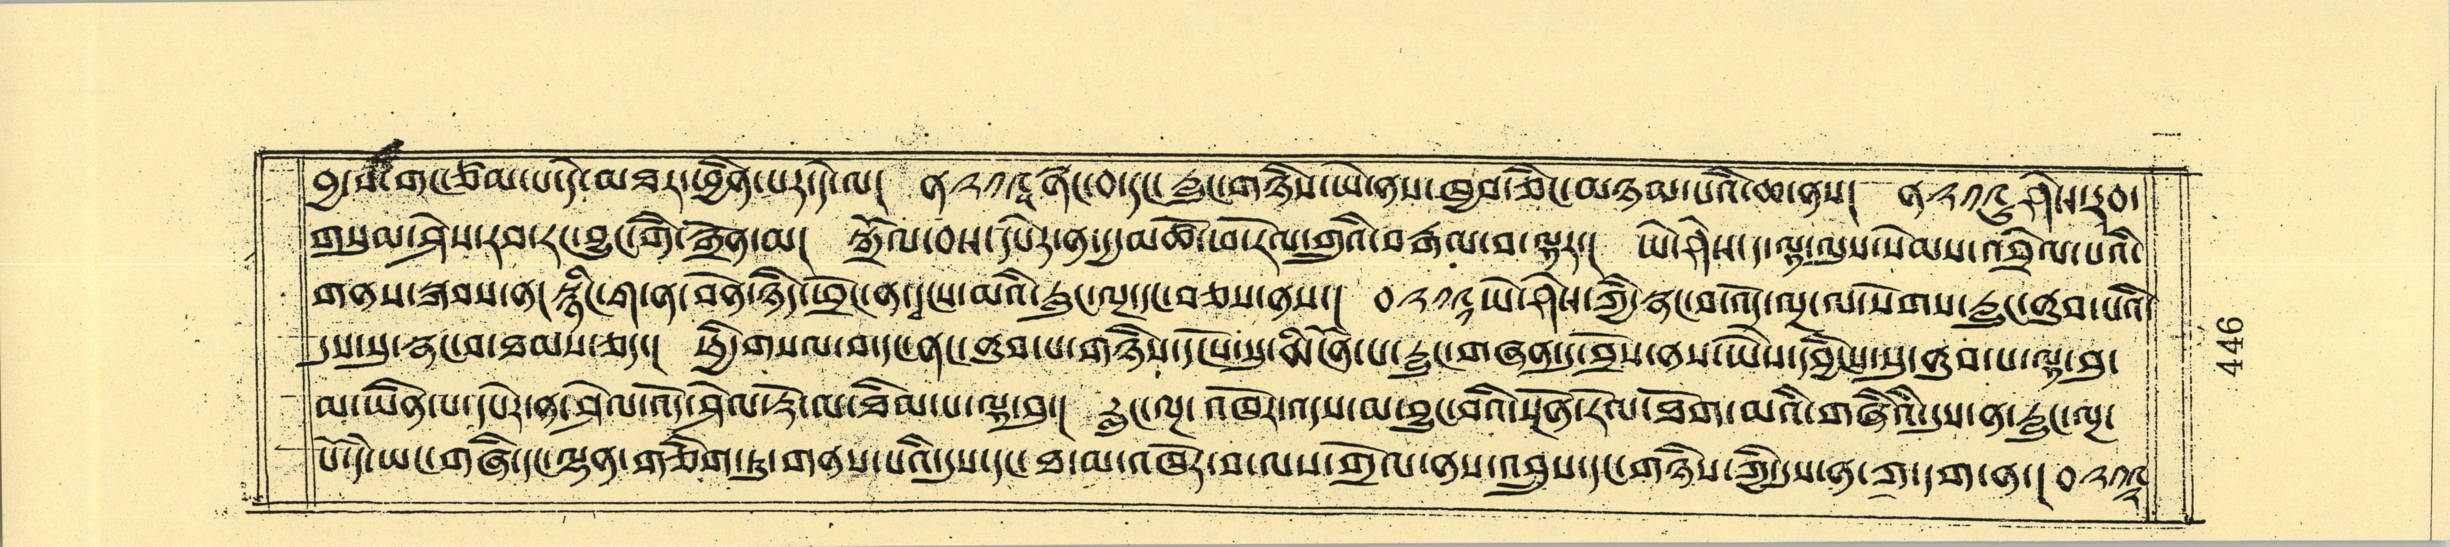བྱ་བ་གང་བརྩམས་དེ་ལ་མཐར་ཕྱིན་པར་དེ་ལ་ ན༢༡༩།༥སྣང་བ་དང་རླུང་གཉིས་ཡེ་ནས་ཁྱབ་ཅིང་མཉམ་པའི་ཆ་ནས་ ན༢༡༩།༦ཤེས་རབ་
གསུམ་ཤེས་རབ་རང་བྱུང་གི་སྒྲོན་མ་ སྒྲོལ་བས་དཔེར་ན་རྒྱ་མཚོ་ཕ་རོལ་གྲུ་ཡིས་བརྒལ་བ་ལྟར་ ཡེ་ཤེས་ད་ལྟ་ལུས་སེམས་འབྲེལ་བའི་
གནས་སྐབས་ན་སྙིང་ག་ན་བོན་ཉིད་ཕོ་བྲང་ན་དྭངས་མའི་རླུང་ལྔ་དང་བཅས་ནས་ བ༢༡༩།༡ཡེ་ཤེས་ཀྱི་སྣང་བ་འོད་ལྔ་ལ་སོགས་རླུང་ནུབ་པའི་
དུས་སུ་སྣང་བ་ཐམས་ཅད། ཕྱི་གསལ་བ་དང་ནང་ནུབ་པ་གཉིས་དངོས་སུ་མི་མངོན་པ་རླུང་གཞན་དུ་བྲོས་ནས་ཡེ་ཤེས་དབྱིངས་སུ་ནུབ་པ་ལྟ་བུ་
མ་ཡིན་པ་དཔེར་ན་ཤེལ་འོད་ཤེལ་རྡོ་ལ་ཐིམ་པ་ལྟ་བུ། རླུང་ལྔ་འཁོར་འདས་མ་བྱུང་བའི་སྔོན་རོལ་ཐོག་མའི་གཞིའི་དུས་ན་རླུང་ལྔ་
པོ་དེ་ཡང་གཞི་དང་ལྷན་ཅིག་ཏུ་གནས་པའི་དུས་དང་ཐ་མ་འཁོར་བ་ལས་གྲོལ་ནས་འབྲས་བུ་དང་གཉིས་ཀྱི་དུས་ན་ཀ་དག་ ན་བ༢༡༩།༢